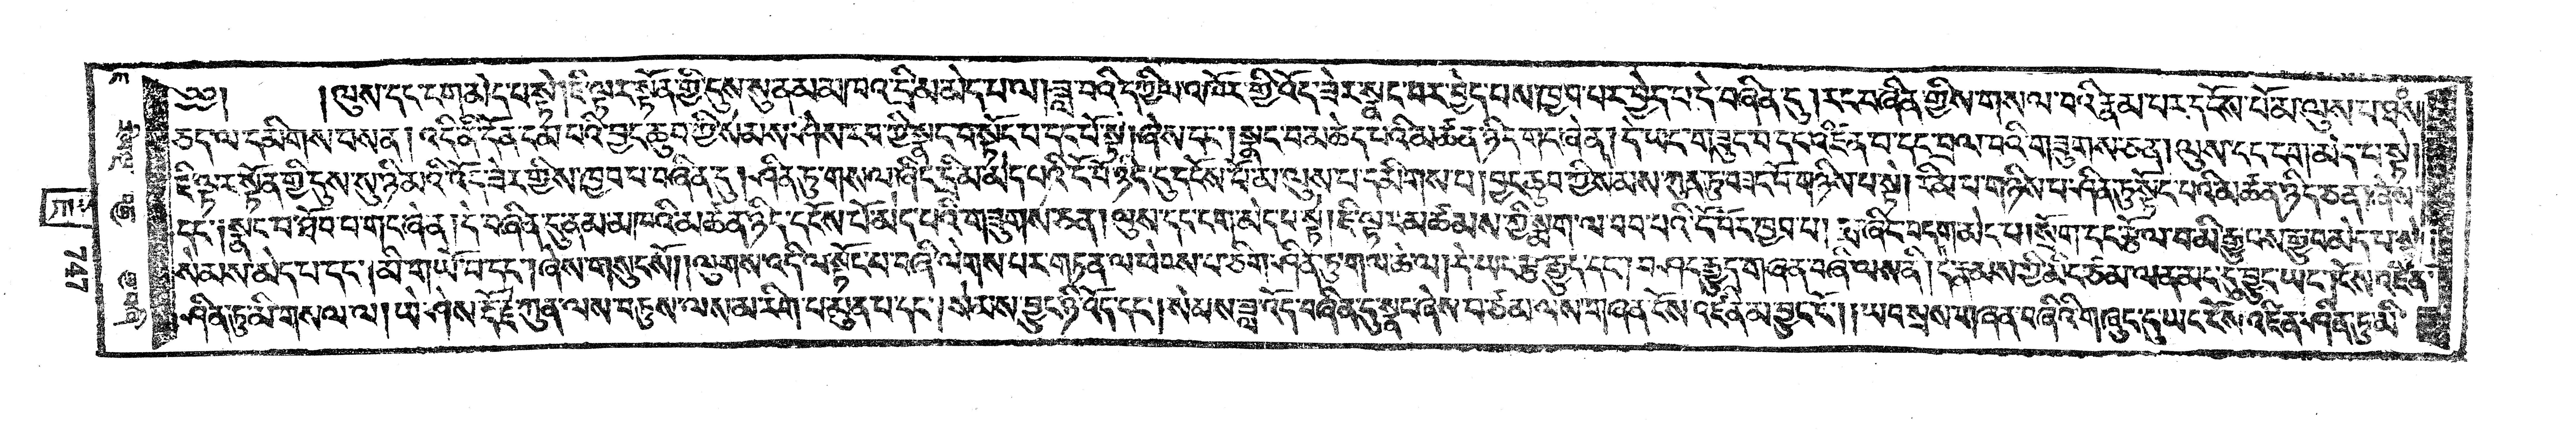༄༅། །ལུས་དང་ངག་མེད་པ་སྟེ། ཇི་ལྟར་སྟོན་གྱི་དུས་སུ་ནམ་མཁའ་དྲི་མ་མེད་པ་ལ། ཟླ་བའི་དཀྱིལ་འཁོར་གྱི་འོད་ཟེར་སྣང་བར་བྱེད་པས་ཁྱབ་པར་བྱེད་པ་དེ་བཞིན་དུ། རང་བཞིན་གྱིས་གསལ་བའི་རྣམ་པར་དངོས་པོ་མ་ལུས་པ་ཐམས་
ཅད་ལ་དམིགས་པས་ན། འདི་ནི་དོན་དམ་པའི་བྱང་ཆུབ་ཀྱི་སེམས་ཤེས་རབ་ཀྱི་སྣང་བ་སྟོང་པ་དང་པོ་སྟེ། ཞེས་དང་། སྣང་བ་མཆེད་པའི་མཚན་ཉིད་གང་ཞེ་ན། དེ་ཡང་གཟུང་བ་དང་འཛིན་པ་དང་བྲལ་བའི་གཟུགས་ཅན། ལུས་དང་ངག་མེད་པ་སྟེ།
ཇི་ལྟར་སྟོན་གྱི་དུས་སུ་ཉི་མའི་འོད་ཟེར་གྱིས་ཁྱབ་པ་བཞིན་དུ། ཤིན་ཏུ་གསལ་ཞིང་དྲི་མ་མེད་པའི་ངོ་བོ་ཉིད་དུ་དངོས་པོ་མ་ལུས་པ་དམིགས་པ། བྱང་ཆུབ་ཀྱི་སེམས་ཀུན་ཏུ་བཟང་པོ་གཉིས་པ་སྟེ། རིམ་པ་གཉིས་པ་ཤིན་ཏུ་སྟོང་པའི་མཚན་ཉིད་ཅན། ཞེས་
དང་། སྣང་བ་ཐོབ་པ་གང་ཞེ་ན། དེ་བཞིན་དུ་ནམ་མཁའི་མཚན་ཉིད་དངོས་པོ་མེད་པའི་གཟུགས་ཅན། ལུས་དང་ངག་མེད་པ་སྟེ། ཇི་ལྟར་མཚམས་ཀྱི་སྨག་ལ་བབ་པའི་ངོ་བོར་ཁྱབ་པ། ཕྲ་ཞིང་བདག་མེད་པ། སྲོག་དང་རྩོལ་བ་མི་རྒྱུ་བས་རྒྱུ་བ་མེད་པ་སྟེ། །
སེམས་མེད་པ་དང་། མི་གཡོ་བ་དང་། ཞེས་གསུངས་སོ། །ལུགས་འདི་ལ་སྟོང་པ་བཞི་ལེགས་པར་གཏན་ལ་ཕེབས་པ་ཅིག་ཤིན་ཏུ་གལ་ཆེ་ལ། དེ་ཡང་རྩ་རྒྱུད་དང་། བཤད་རྒྱུད་གཞན་བཞི་ལས་ནི། དེ་རྣམས་ཀྱི་མིང་ཙམ་ལན་མང་དུ་བྱུང་ཡང་། ངོས་འཛིན་
ཤིན་ཏུ་མི་གསལ་ལ། ཡེ་ཤེས་རྡོ་རྗེ་ཀུན་ལས་བཏུས་ལས་མ་རིག་པ་མུན་པ་དང་། སེམས་བྱུང་ཉི་འོད་དང་། སེམས་ཟླ་འོད་བཞིན་དུ་སྣང་ཞེས་པ་ཙམ་ལས་གཞན་ངོས་འཛིན་མ་བྱུང་ངོ། །ཡབ་སྲས་གཞན་བཞིའི་གཞུང་དུ་ཡང་ངོས་འཛིན་ཤིན་ཏུ་མི་